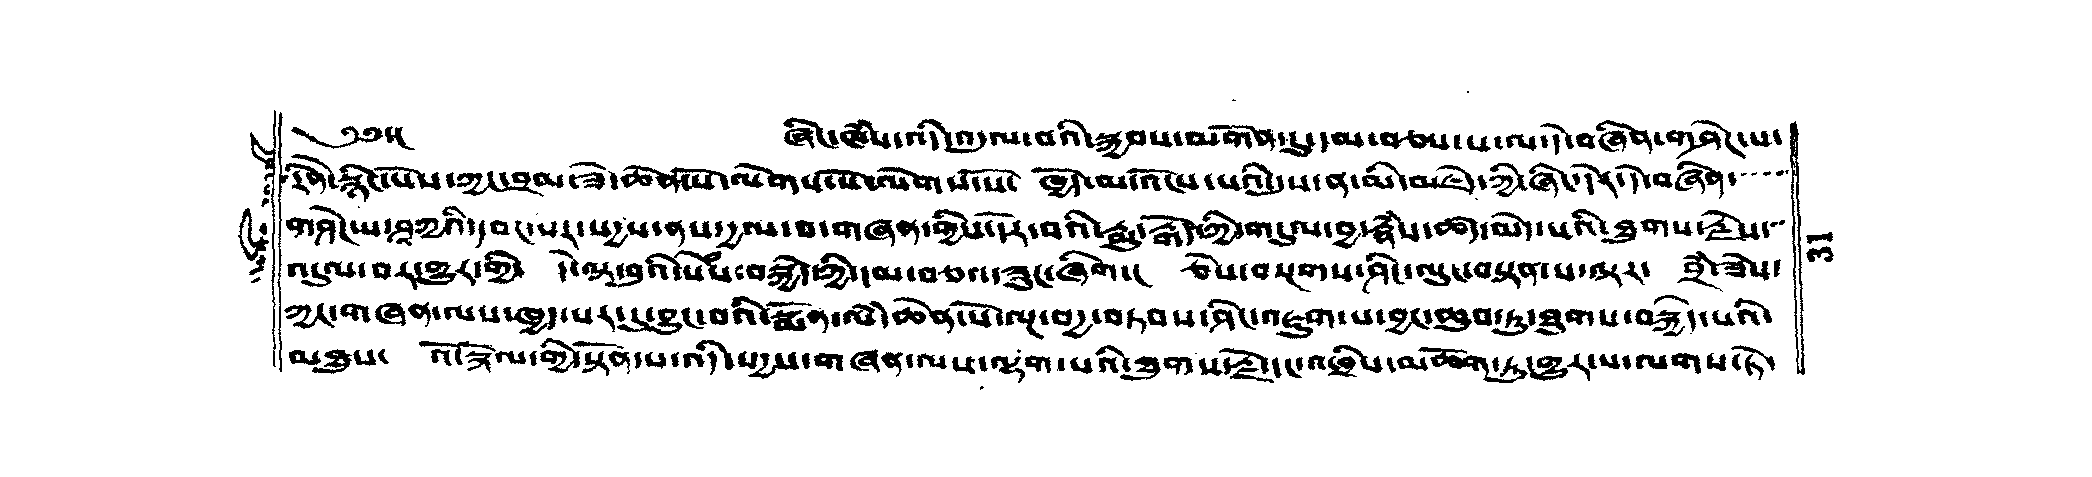ཞིང་ཁམས་འདི་འདུལ་བའི་སྐྱབས་མགོན་དུ་དམ་བཅས་པ་ལ་དེ་བཞིན་གཤེགས་པ་
རིན་ཆེ་སྙིང་པོས་ཀྱང་བྲམ་ཟེ་ཆེན་ཿཔོ་ལེགས་པོ་ལེགས་སོ།ཁྱོད་མ་འོང་པའི་དུས་ན་མི་མཇེད་ཀྱི་ཞིང་དེར་དེ་བཞིན་
གཤེགས་པ་ཤཱཀྱའི་དབང་སར་སངས་རྒྱས་ནས་རྒྱལ་བ་གཞན་གྱིས་དོར་བའི་རྨུ་རྒོད་ཀྱི་གདུལ་བྱ་རྣམས་ཚད་མེད་པའི་ཐུགས་རྗེས་
འདུལ་བར་གྱུར་གྱི། དེ་ལྟ་བུའི་སེམས་བསྐྱེད་ཀྱི་དམ་བཅའ་ཟུང་ཞིག ཅེས་བསྔགས་ཤིང་ལུང་བསྟན་པ་ལྟར། བྲམ་ཟེས་
ཀྱང་གཞན་ལས་ཁྱད་པར་དུ་བྱུང་བའི་སྨོན་ལམ་ཆེན་པོ་ལྔ་བརྒྱ་བཏབས་ཤིང་འཇུག་པ་བྱང་ཆུབ་ཏུ་ཐུགས་བསྐྱེད་པའི་
མཐུས། འོ་སྐོལ་གྱི་སྟོན་པ་འདི་སངས་རྒྱས་གཞན་ལས་ལྷག་པའི་ཐུགས་རྗེ་དང་འཕྲིན་ལས་མཆོག་ཏུ་གྱུར་པ་ལགས་ཏེ་